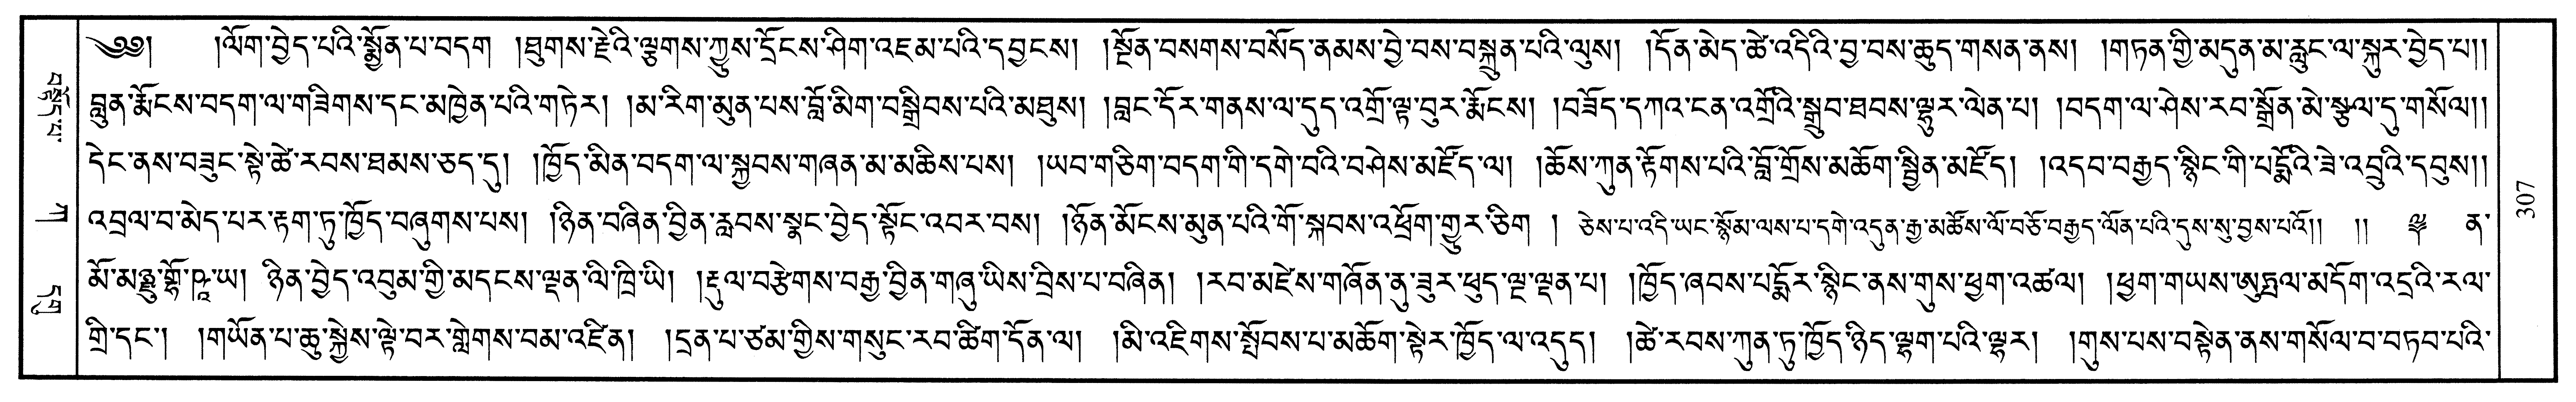༄༅། །ལོག་བྱེད་པའི་སྨྱོན་པ་བདག །ཐུགས་རྗེའི་ལྕགས་ཀྱུས་དྲོངས་ཤིག་འཇམ་པའི་དབྱངས། །སྔོན་བསགས་བསོད་ནམས་བྱེ་བས་བསྐྲུན་པའི་ལུས། །དོན་མེད་ཚེ་འདིའི་བྱ་བས་ཆུད་གསན་ནས། །གཏན་གྱི་མདུན་མ་རླུང་ལ་སྐུར་བྱེད་པ།།
བླུན་རྨོངས་བདག་ལ་གཟིགས་དང་མཁྱེན་པའི་གཏེར། །མ་རིག་མུན་པས་བློ་མིག་བསྒྲིབས་པའི་མཐུས། །བླང་དོར་གནས་ལ་དུད་འགྲོ་ལྟ་བུར་རྨོངས། །བཟོད་དཀའ་ངན་འགྲོའི་སྒྲུབ་ཐབས་ལྷུར་ལེན་པ། །བདག་ལ་ཤེས་རབ་སྒྲོན་མེ་སྩལ་དུ་གསོལ།།
དེང་ནས་བཟུང་སྟེ་ཚེ་རབས་ཐམས་ཅད་དུ། །ཁྱོད་མིན་བདག་ལ་སྐྱབས་གཞན་མ་མཆིས་པས། །ཡབ་གཅིག་བདག་གི་དགེ་བའི་བཤེས་མཛོད་ལ། །ཆོས་ཀུན་རྟོགས་པའི་བློ་གྲོས་མཆོག་སྦྱིན་མཛོད། །འདབ་བརྒྱད་སྙིང་གི་པདམོའི་ཟེ་འབྲུའི་དབུས།།
འབྲལ་བ་མེད་པར་རྟག་ཏུ་ཁྱོད་བཞུགས་པས། །ཉིན་བཞིན་བྱིན་རླབས་སྣང་བྱེད་སྟོང་འབར་བས། །ཉོན་མོངས་མུན་པའི་གོ་སྐབས་འཕྲོག་གྱུར་ཅིག། ཅེས་པ་འདི་ཡང་སྙོམ་ལས་པ་དགེ་འདུན་རྒྱ་མཚོས་ལོ་བཅོ་བརྒྱད་ལོན་པའི་དུས་སུ་བྱས་པའོ།། །། ༈ ན་
མོ་མཉྫུ་གྷོ་ཥཱ་ཡ། ཉིན་བྱེད་འབུམ་གྱི་མདངས་ལྡན་ལི་ཁྲི་ཡི། །རྡུལ་བརྩེགས་བརྒྱ་བྱིན་གཞུ་ཡིས་བྲིས་པ་བཞིན། །རབ་མཛེས་གཞོན་ནུ་ཟུར་ཕུད་ལྔ་ལྡན་པ། །ཁྱོད་ཞབས་པདམོར་སྙིང་ནས་གུས་ཕྱག་འཚལ། །ཕྱག་གཡས་ཨུཏྤལ་མདོག་འདྲའི་རལ་
གྲི་དང་། །གཡོན་པ་ཆུ་སྐྱེས་ལྟེ་བར་གླེགས་བམ་འཛིན། །དྲན་པ་ཙམ་གྱིས་གསུང་རབ་ཚིག་དོན་ལ། །མི་འཇིགས་སྤོབས་པ་མཆོག་སྟེར་ཁྱོད་ལ་འདུད། །ཚེ་རབས་ཀུན་ཏུ་ཁྱོད་ཉིད་ལྷག་པའི་ལྷར། །གུས་པས་བསྟེན་ནས་གསོལ་བ་བཏབ་པའི་